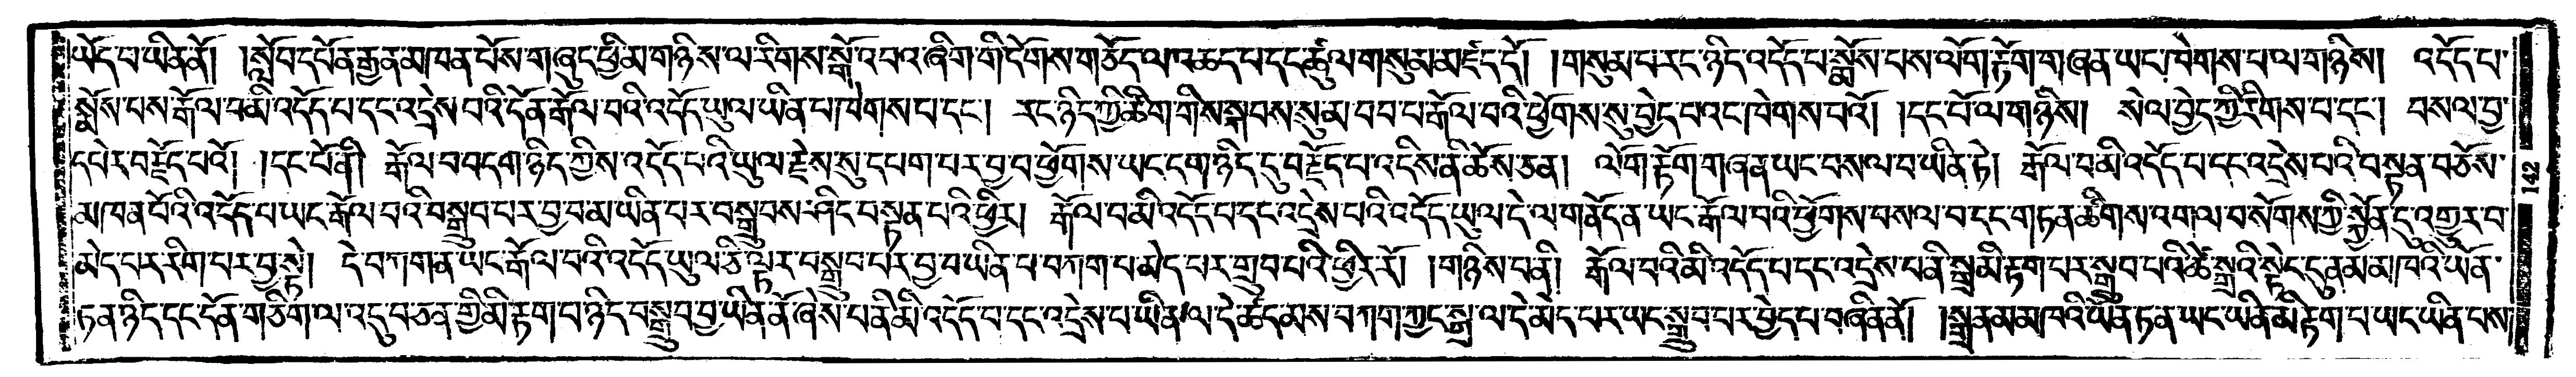ཡོད་པ་ཡིན་ནོ། །སློབ་དཔོན་རྒྱན་མཁན་པོས་གཞུང་ཕྱི་མ་གཉིས་ལ་རིགས་སྒོ་འབའ་ཞིག་གི་དོགས་གཅོད་ལ་འཆད་པ་དང་ཚུལ་གསུམ་མཛད་དོ། །གསུམ་པ་རང་ཉིད་འདོད་པ་སྨོས་པས་ལོག་རྟོག་གཞན་ཡང་ཁེགས་པ་ལ་གཉིས། འདོད་པ་
སྨོས་པས་རྒོལ་བ་མི་འདོད་པ་དང་འདྲེས་པའི་དོན་རྒོལ་བའི་འདོད་ཡུལ་ཡིན་པ་ཁེགས་པ་དང་། རང་ཉིད་ཀྱི་ཚིག་གིས་སྐབས་སུ་མ་བབ་པ་རྒོལ་བའི་ཕྱོགས་སུ་བྱེད་པའང་ཁེགས་པའོ། །དང་པོ་ལ་གཉིས། སེལ་བྱེད་ཀྱི་རིགས་པ་དང་། བསལ་བྱ་
དཔེར་བརྗོད་པའོ། །དང་པོ་ནི། རྒོལ་བ་བདག་ཉིད་ཀྱིས་འདོད་པའི་ཡུལ་རྗེས་སུ་དཔག་པར་བྱ་བ་ཕྱོགས་ཡང་དག་ཉིད་དུ་བརྗོད་པ་འདིས་ནི་ཆོས་ཅན། ལོག་རྟོག་གཞན་ཡང་བསལ་བ་ཡིན་ཏེ། རྒོལ་བ་མི་འདོད་པ་དང་འདྲེས་པའི་བསྟན་བཅོས་
མཁན་པོའི་འདོད་པ་ཡང་རྒོལ་བའི་བསྒྲུབ་པར་བྱ་བ་མ་ཡིན་པར་བསྒྲུབས་ཤིང་བསྟན་པའི་ཕྱིར། རྒོལ་བ་མི་འདོད་པ་དང་འདྲེས་པའི་འདོད་ཡུལ་དེ་ལ་གནོད་ན་ཡང་རྒོལ་བའི་ཕྱོགས་བསལ་བ་དང་གཏན་ཚིགས་འགལ་བ་སོགས་ཀྱི་སྐྱོན་དུ་འགྱུར་བ་
མེད་པར་རིག་པར་བྱ་སྟེ། དེ་བཀག་ན་ཡང་རྒོལ་བའི་འདོད་ཡུལ་ཅི་ལྟར་བསྒྲུབ་པར་བྱ་བ་ཡིན་པ་བཀག་པ་མེད་པར་གྲུབ་པའི་ཕྱིར་རོ། །གཉིས་པ་ནི། རྒོལ་བའི་མི་འདོད་པ་དང་འདྲེས་པ་ནི་སྒྲ་མི་རྟག་པར་སྒྲུབ་པའི་ཚེ་སྒྲའི་སྟེང་དུ་ནམ་མཁའི་ཡོན་
ཏན་ཉིད་དང་དོན་གཅིག་ལ་འདུ་བ་ཅན་གྱི་མི་རྟག་པ་ཉིད་བསྒྲུབ་བྱ་ཡིན་ནོ་ཞེས་པ་ནི་མི་འདོད་པ་དང་འདྲེས་པ་ཡིན་ལ་དེ་ཚད་མས་བཀག་ཀྱང་སྒྲ་ལ་དེ་མེད་པར་ཡང་སྒྲུབ་པར་བྱེད་པ་བཞིན་ནོ། །སྒྲ་ནམ་མཁའི་ཡོན་ཏན་ཡང་ཡིན་མི་རྟག་པ་ཡང་ཡིན་པས་